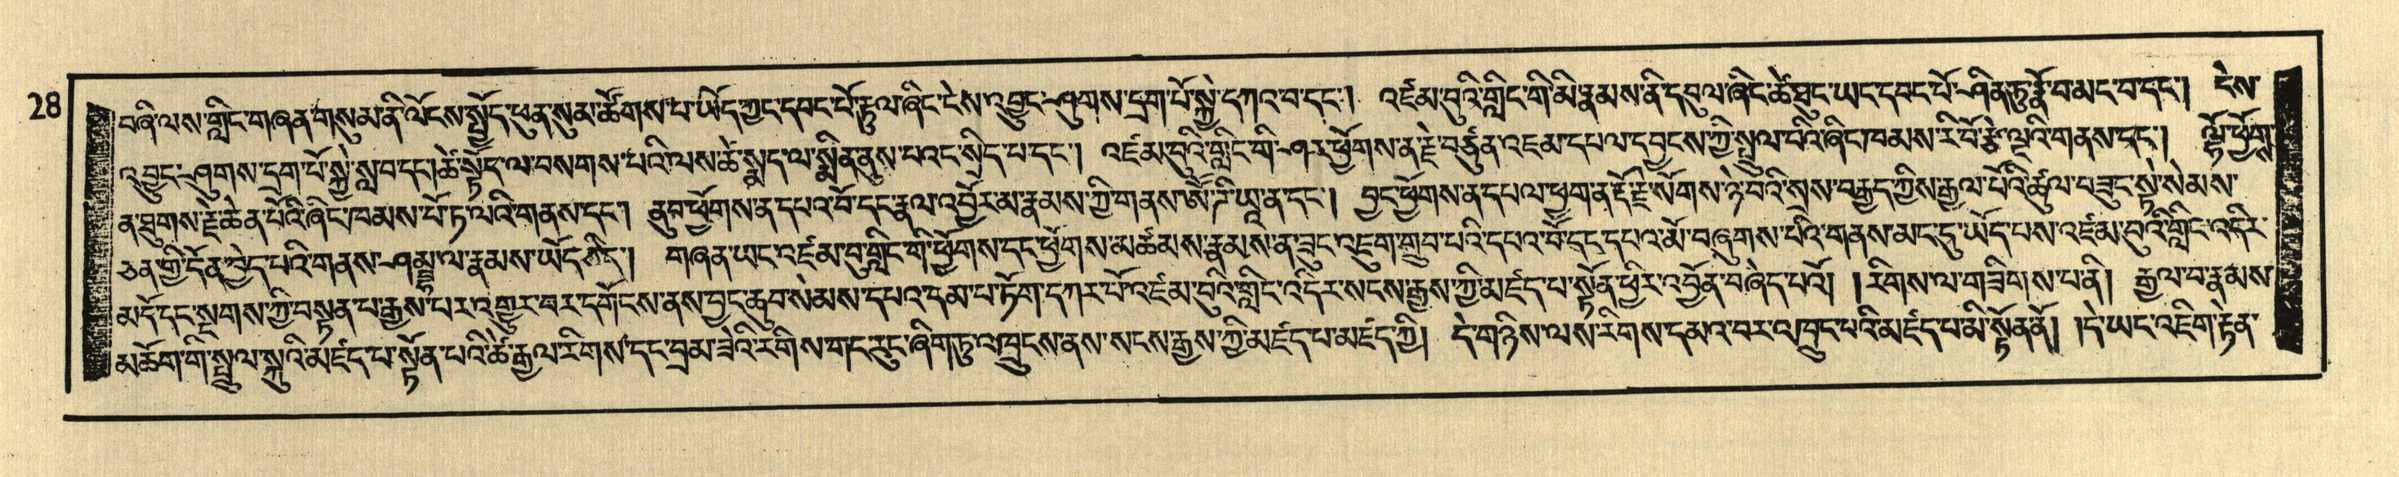བཞི་ལས་གླིང་གཞན་གསུམ་ནི་ལོངས་སྤྱོད་ཕུན་སུམ་ཚོགས་པ་ཡོད་ཀྱང་དབང་པོ་རྟུལ་ཞིང་ངེས་འབྱུང་ཤུགས་དྲག་པོ་སྐྱེ་དཀའ་བ་དང་། འཛམ་བུའི་གླིང་གི་མི་རྣམས་ནི་དབུལ་ཞིང་ཚེ་ཐུང་ཡང་དབང་པོ་ཤིན་ཏུ་རྣོ་བ་མང་བ་དང་། ངེས་
འབྱུང་ཤུགས་དྲག་པོ་སྐྱེ་སླབ་དང་། ཚེ་སྟོང་ལ་བསགས་པའི་ལས་ཚེ་སྨད་ལ་སྨིན་ནུས་པའང་སྲིད་པ་དང་། འཛམ་བུའི་གླིང་གི་ཤར་ཕྱོགས་ན་རྗེ་བཙུན་འཇམ་དཔལ་དབྱངས་ཀྱི་སྤྲུལ་པའི་ཞིང་ཁམས་རི་བོ་རྩེ་ལྔའི་གནས་དང་། ལྷོ་ཕྱོགས་
ན་ཐུགས་རྗེ་ཆེན་པོའི་ཞིང་ཁམས་པོ་ཏ་ལའི་གནས་དང་། ནུབ་ཕྱོགས་ན་དཔའ་བོ་དང་རྣལ་འབྱོར་མ་རྣམས་ཀྱི་གནས་ཨཽ་ཊི་ཡཱ་ན་དང་། བྱང་ཕྱོགས་ན་དཔལ་ཕྱག་ན་རྡོ་རྗེ་སོགས་ཉེ་བའི་སྲས་བརྒྱད་ཀྱི་རྒྱལ་པོའི་ཚུལ་བཟུང་སྟེ་སེམས་
ཅན་གྱི་དོན་བྱེད་པའི་གནས་ཤམྦྷ་ལ་རྣམས་ཡོད་ཅིང་། གཞན་ཡང་འཛམ་བུའི་གླིང་གི་ཕྱོགས་དང་ཕྱོགས་མཚམས་རྣམས་ན་ཟུང་འཇུག་གྲུབ་པའི་དཔའ་བོ་དང་དཔའ་མོ་བཞུགས་པའི་གནས་མང་དུ་ཡོད་པས་འཛམ་བུའི་གླིང་འདིར་
མདོ་དང་སྔགས་ཀྱི་བསྟན་པ་རྒྱས་པར་འགྱུར་བར་དགོངས་ནས་བྱང་ཆུབ་སེམས་དཔའ་དམ་པ་ཏོག་དཀར་པོ་འཛམ་བུའི་གླིང་འདིར་སངས་རྒྱས་ཀྱི་མཛད་པ་སྟོན་ཕྱིར་འབྱོན་བཞེད་པའོ། །རིགས་ལ་གཟིགས་པ་ནི། རྒྱལ་བ་རྣམས་
མཆོག་གི་སྤྲུལ་སྐུའི་མཛད་པ་སྟོན་པའི་ཚེ་རྒྱལ་རིགས་དང་བྲམ་ཟེའི་རིགས་གང་རུང་ཞིག་ཏུ་འཁྲུངས་ནས་སངས་རྒྱས་ཀྱི་མཛད་པ་མཛད་ཀྱི། དེ་གཉིས་ལས་རིགས་དམའ་བར་འཁྲུང་པའི་མཛད་པ་མི་སྟོན་ནོ། །དེ་ཡང་འཇིག་རྟེན་